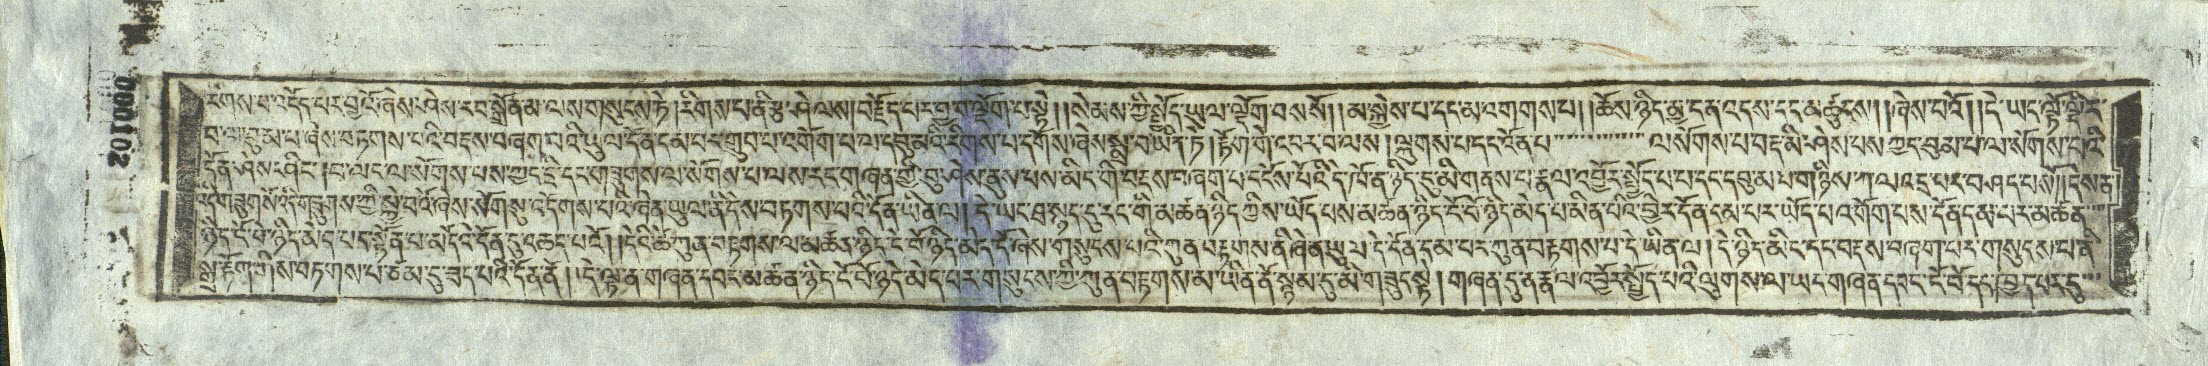རིགས་པ་འདོད་པར་བྱའོ་ཞེས་ཤེས་རབ་སྒྲོན་མ་ལས་གསུངས་ཏེ། རིགས་པ་ནི་རྩ་ཤེ་ལས། བརྗོད་པར་བྱ་བ་ལྡོག་པ་སྟེ། །སེམས་ཀྱི་སྤྱོད་ཡུལ་ལྡོག་པས་སོ། །མ་སྐྱེས་པ་དང་མ་འགགས་པ། །ཆོས་ཉིད་མྱ་ངན་འདས་དང་མཚུངས། །ཞེས་པའོ། །དེ་ཡང་ལྟོ་ལྡིར་
བ་ལ་བུམ་པ་ཞེས་བཏགས་པའི་བརྡས་བཞག་པའི་ཡུལ་དོན་དམ་པར་གྲུབ་པ་འགོག་པ་ལ་དབུ་མའི་རིགས་པ་དགོས་ཞེས་སྨྲ་བ་མིན་ཏེ། རྟོག་གེ་འབར་བ་ལས། ལྐུགས་པ་དང་འོན་པ་ལ་སོགས་པ་བརྡ་མི་ཤེས་པས་ཀྱང་བུམ་པ་ལ་སོགས་པའི་
དོན་ཤེས་ཤིང་། བ་ལང་ལ་སོགས་པས་ཀྱང་དྲི་དང་གཟུགས་ལ་སོགས་པ་ལས་རང་གཞན་གྱི་བུ་ཤེས་ནུས་པས་མིང་གི་བརྡས་བཞག་པ་དངོས་པོའི་དེ་ཁོ་ན་ཉིད་དུ་མི་གནས་པ་རྣལ་འབྱོར་སྤྱོད་པ་པ་དང་དབུ་མ་པ་གཉིས་ཀ་ལ་འདྲ་བར་བཤད་པས་སོ། །དེས་ན་
འདི་གཟུགས་སོ་འདི་གཟུགས་ཀྱི་སྐྱེ་བའོ་ཞེས་སོགས་སུ་འདོགས་པའི་ཞེན་ཡུལ་ནི་དེས་བཏགས་པའི་དོན་ཡིན་ལ། དེ་ཡང་ཐ་སྙད་དུ་རང་གི་མཚན་ཉིད་ཀྱིས་ཡོད་པས་མཚན་ཉིད་ངོ་བོ་ཉིད་མེད་པའི་ཕྱིར་དོན་དམ་པར་ཡོད་པ་འགོག་པས་དོན་དམ་པར་མཚན་
ཉིད་ངོ་བོ་ཉིད་མེད་པར་སྟོན་པ་མདོའི་དོན་དུ་འཆད་པའོ། །དེའི་ཚེ་ཀུན་བརྟགས་ལ་མཚན་ཉིད་ངོ་བོ་ཉིད་མེད་དོ་ཞེས་གསུངས་པའི་ཀུན་བརྟགས་ནི་ཞེན་ཡུལ་དེ་དོན་དམ་པར་ཀུན་བརྟགས་པ་དེ་ཡིན་ལ། དེ་ཉིད་མིང་དང་བརྡས་བཞག་པར་གསུངས་པ་ནི་
སྒྲ་རྟོག་གིས་བཏགས་པ་ཙམ་དུ་ཟད་པའི་དོན་ནོ། །དེ་ལྟ་ན་གཞན་དབང་མཚན་ཉིད་ངོ་བོ་ཉིད་མེད་པར་གསུངས་ཀྱི་ཀུན་བརྟགས་མ་ཡིན་ནོ་སྙམ་དུ་མི་གཟུང་སྟེ། གཞན་དུ་ན་རྣལ་འབྱོར་སྤྱོད་པའི་ལུགས་ལ་ཡང་གཞན་དབང་ངོ་བོ་དང་ཁྱད་པར་དུ་